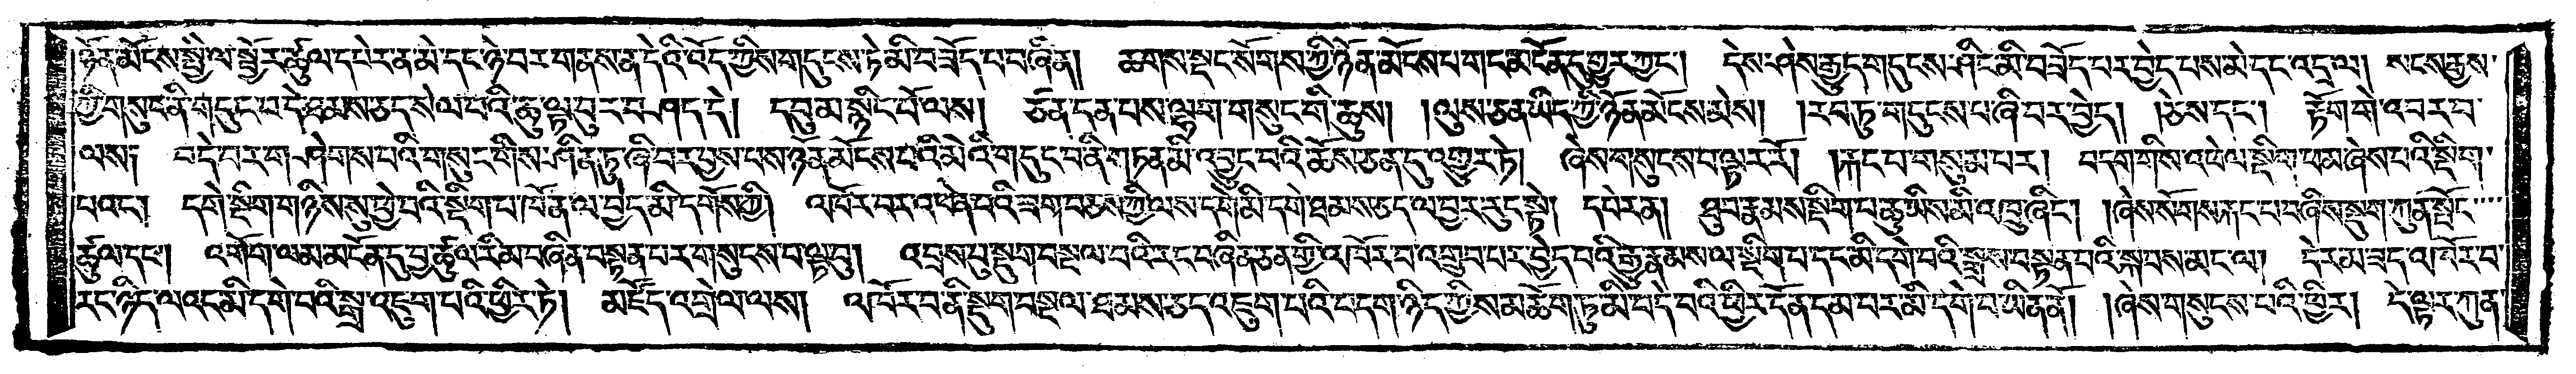ཉོན་མོངས་སྤྱི་ལ་སྦྱོར་ཚུལ་དཔེར་ན་མེ་དང་ཉེ་བར་གནས་ན་དེའི་འོད་ཀྱིས་གདུངས་ཏེ་མི་བཟོད་པ་བཞིན། ཆགས་སྡང་སོགས་ཀྱི་ཉོན་མོངས་པ་གང་མངོན་དུ་གྱུར་ཀྱང་། དེས་ཤེས་རྒྱུད་གདུངས་ཤིང་མི་བཟོད་པར་བྱེད་པས་མེ་དང་འདྲ་ལ། སངས་རྒྱས་
ཀྱི་གསུང་ནི་གདུང་བ་དེ་ཐམས་ཅད་སེལ་བའི་ཆུ་ལྟ་བུར་བཤད་དེ། དབུ་མ་སྙིང་པོ་ལས། ཙན་དན་བས་ལྷག་གསུང་གི་ཆུས། །ལུས་ཅན་ཡིད་ཀྱི་ཉོན་མོངས་མེས། །རབ་ཏུ་གདུངས་བཞི་བར་བྱེད། །ཅེས་དང་། རྟོག་གེ་འབར་བ་
ལས༑ བདེ་བར་གཤེགས་པའི་གསུང་གིས་ཤིན་ཏུ་ཞི་བར་བྱས་པས་ཉོན་མོངས་པའི་མེའི་གདུང་བ་ནི་གཏན་མི་འབྱུང་པའི་ཆོས་ཅན་དུ་འགྱུར་ཏེ། ཞེས་གསུངས་བ་ལྟར་རོ། །རྐང་པ་གསུམ་པར། བདག་གིས་འཕེལ་སྡིག་ཕམ་ཞེས་པའི་སྡིག་
པའང་། དགེ་སྡིག་གཉིས་སུ་བྱེ་བའི་སྡིག་པ་ཁོ་ན་ལ་བྱེད་མི་དགོས་ཀྱི། འཁོར་བར་འཕེན་པའི་ཟག་བཅས་ཀྱི་ལས་དགེ་མི་དགེ་ཐམས་ཅད་ལ་བྱར་རུང་སྟེ། དཔེར་ན། ཐུབ་རྣམས་སྡིག་པ་ཆུ་ཡིས་མི་འཁྲུ་ཞིང་། །ཞེས་སོགས་རྐང་བ་བཞིས་སྡུག་ཀུན་སྤོང་
ཚུལ་དང་། འགོག་ལམ་མངོན་དུ་བྱ་ཚུལ་རིམ་བཞིན་བསྟན་པར་གསུངས་པ་ལྟ་བུ། འབྲས་བུ་སྡུག་བསྔལ་བའི་རང་བཞིན་ཅན་གྱི་འཁོར་བ་འགྲུབ་པར་བྱེད་པའི་རྒྱུ་རྣམས་ལ་སྡིག་པ་དང་མི་དགེ་བའི་སྒྲས་བསྟན་པའི་སྐབས་མང་ལ། དེར་མ་ཟད་འཁོར་བ་
རང་ཉིད་ལའང་མི་དགེ་བའི་སྒྲ་འཇུག་པའི་ཕྱིར་ཏེ། མཛོད་འགྲེལ་ལས། འཁོར་བ་ནི་སྡུག་བསྔལ་ཐམས་ཅད་འཇུག་པའི་བདག་ཉིད་ཀྱིས་མཆོག་ཏུ་མི་བདེ་བའི་ཕྱིར་དོན་དམ་པར་མི་དགེ་བ་ཡིན་ནོ། །ཞེས་གསུངས་པའི་ཕྱིར། དེ་ལྟར་ཀུན་